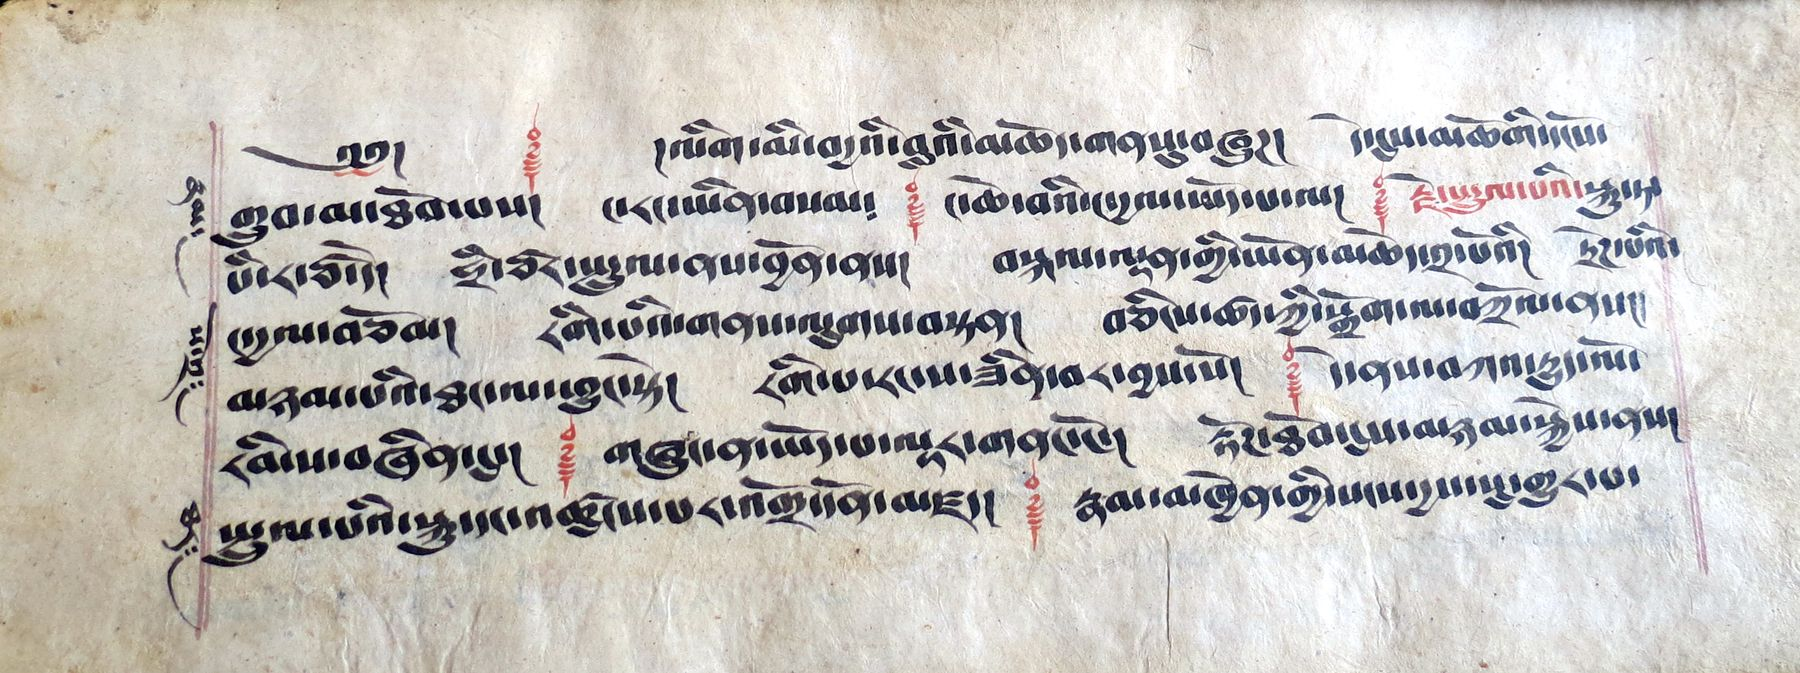ལིག་མི་རྐྱའི་བླའི་མཆོད་གནས་སུ་བཞུགས། དེ་དུས་མཆོག་གི་དངོས་
གྲུབ་མ་ཐོབ་པས། ང་རང་ཡིན་བསམ་ང་ཆེ་བའི་ང་རྒྱལ་ཡོད་པ་ལ། རྗེ་སྤྲུལ་པའི་སྐུ་ཏ་
པི་ར་ཙ་དེ། ཧྲི་ཙར་སྤྲུལ་ཏེ་བྱོན་ནས། སྐལ་ལྡན་གྱི་ཡོན་མཆོད་གཉིས་པོའི། དྲེགས་པའི་
ང་རྒྱལ་བཅོམ། རིག་པའི་གནས་ལུགས་བསྟན། བཅིང་ཚད་ཀྱི་སྒྲོག་ལས་བཀྲོལ་ནས། 
མཉམ་པའི་ཐང་ལ་ཕྱུང་ཏེ། རིག་པ་རང་ས་ཟིན་པར་བྱས་སོ། ། དེ་ནས་བཀའ་རྒྱུད་ལུང་
རིམ་བཞིན་གཞུང་ན་ཡོད་པ་ལྟར་གནང་ངོ། ། རྟོགས་ཐོབ་དུས་མཉམ་སྐྱེས་ནས། 
སྤྲུལ་པའི་སྐུ་དང་མཚུངས་པར་འགྲོ་དོན་མཛད་དོ། ། རྣམ་མཁྱེན་གྱི་སངས་རྒྱས་སུ་གྱུར་པ་